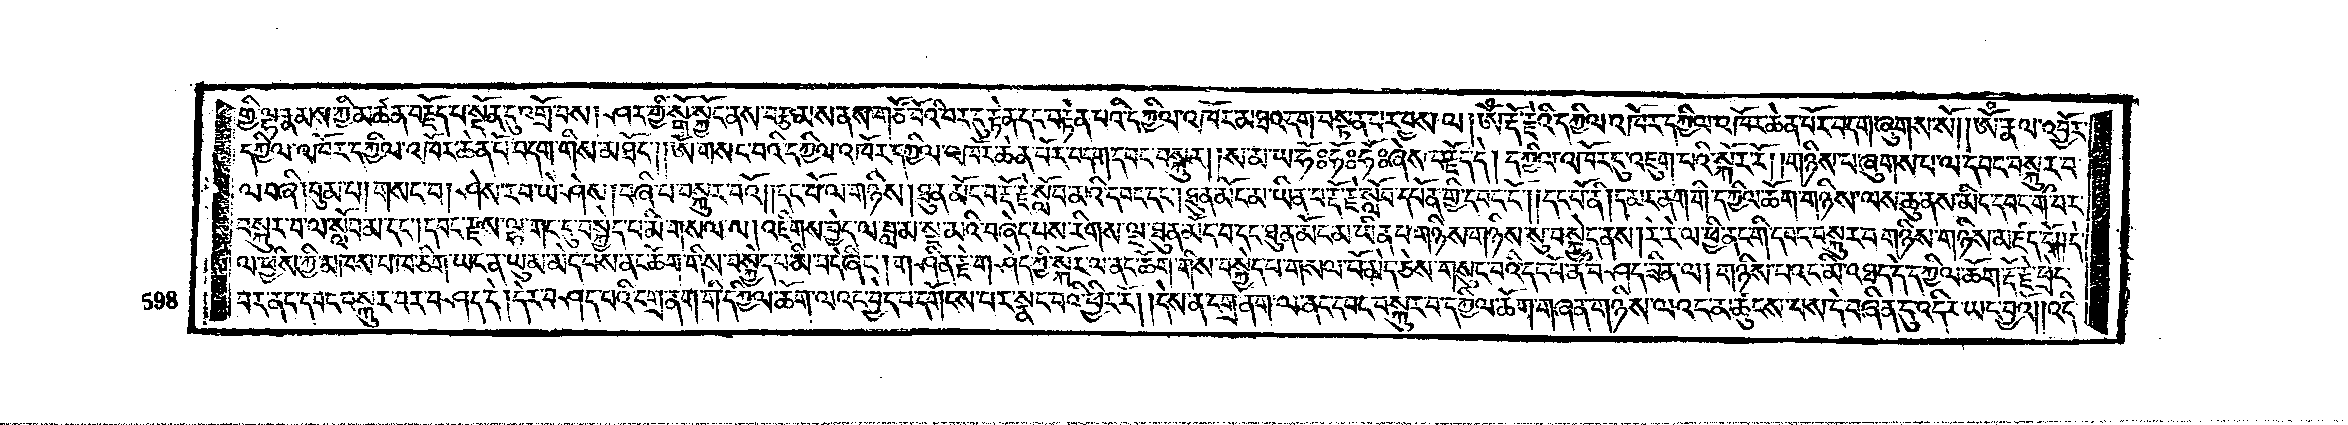གྱི་ལྷ་རྣམས་ཀྱི་མཚན་བརྗོད་པ་སྔོན་དུ་འགྲོ་བས། ཤར་གྱི་སྒོ་སྐྱོང་ནས་བརྩམས་ནས་གཙོ་བོའི་བར་དུ་རྟེན་དང་བརྟེན་པའི་དཀྱིལ་འཁོར་མཐའ་དག་བསྟན་པར་བྱས་ལ། ཨོཾ་རྡོ་རྗེའི་དཀྱིལ་འཁོར་དཀྱིལ་འཁོར་ཆེན་པོར་བདག་ཞུགས་སོ། །ཨོཾ་རྣལ་འབྱོར་
དཀྱིལ་འཁོར་དཀྱིལ་འཁོར་ཆེན་པོ་བདག་གིས་མཐོང་། །ཨོཾ་གསང་བའི་དཀྱིལ་འཁོར་དཀྱིལ་འཁོར་ཆེན་པོར་བདག་དབང་བསྐུར། །ས་མ་ཡ་ཧོཿ ཧོཿ ཧོཿ ཞེས་བརྗོད་དེ། དཀྱིལ་འཁོར་དུ་འཇུག་པའི་སྐོར་རོ། །གཉིས་པ་ཞུགས་པ་ལ་དབང་བསྐུར་བ་
ལ་བཞི། བུམ་པ། གསང་བ། ཤེས་རབ་ཡེ་ཤེས། བཞི་པ་བསྐུར་བའོ། །དང་པོ་ལ་གཉིས། ཐུན་མོང་བ་རྡོ་རྗེ་སློབ་མའི་དབང་དང་། ཐུན་མོང་མ་ཡིན་པ་རྡོ་རྗེ་སློབ་དཔོན་གྱི་དབང་ངོ། །དང་པོ་ནི། དམར་ནག་གི་དཀྱིལ་ཆོག་གཉིས་ལས་ཆུ་ནས་མིང་དབང་གི་བར་
བསྐུར་བ་ལ་སློབ་མ་དང་། དབང་རྫས་ལྷ་གང་དུ་བསྐྱེད་པ་མི་གསལ་ལ། འཇིགས་བྱེད་ལ་བླ་མ་སྔ་མའི་བཞེད་པས་རིགས་ལྔ་ཐུན་མོང་བ་དང་ཐུན་མོང་མ་ཡིན་པ་གཉིས་གཉིས་སུ་བསྐྱེད་ནས། རེ་རེ་ལ་ཕྱི་ནང་གི་དབང་བསྐུར་བ་གཉིས་གཉིས་མཛད་དོ། །དེ་
ལ་ཕྱིས་ཀྱི་མཁས་པ་ཁ་ཅིག་ཡང་ན་ཡུམ་མེད་པས་ནང་ཆོག་གིས་བསྐྱེད་པ་མི་བདེ་ཞིང་། གཤིན་རྗེ་གཤེད་ཀྱི་སྐོར་ལ་ནང་ཆོག་གིས་བསྐྱེད་པ་གསལ་པོ་མེད་ཅེས་གསུང་བའི་དང་པོ་ནི་བཤད་ཟིན་ལ། གཉིས་པའང་མི་འཐད་དེ་དཀྱིལ་ཆོག་རྡོ་རྗེ་ཕྲེང་
བར་ནང་དབང་བསྐུར་བར་བཤད་དེ། དེར་བཤད་པའི་དགྲ་ནག་གི་དཀྱིལ་ཆོག་ལའང་བྱེད་པ་དགོངས་པར་སྣང་བའི་ཕྱིར་རོ། །དེས་ན་དགྲ་ནག་ལ་ནང་དབང་བསྐུར་བ་དཀྱིལ་ཆོག་གཞན་གཉིས་ལའང་མཚུངས་པས་དེ་བཞིན་དུ་འདིར་ཡང་བྱའོ། །འདི་